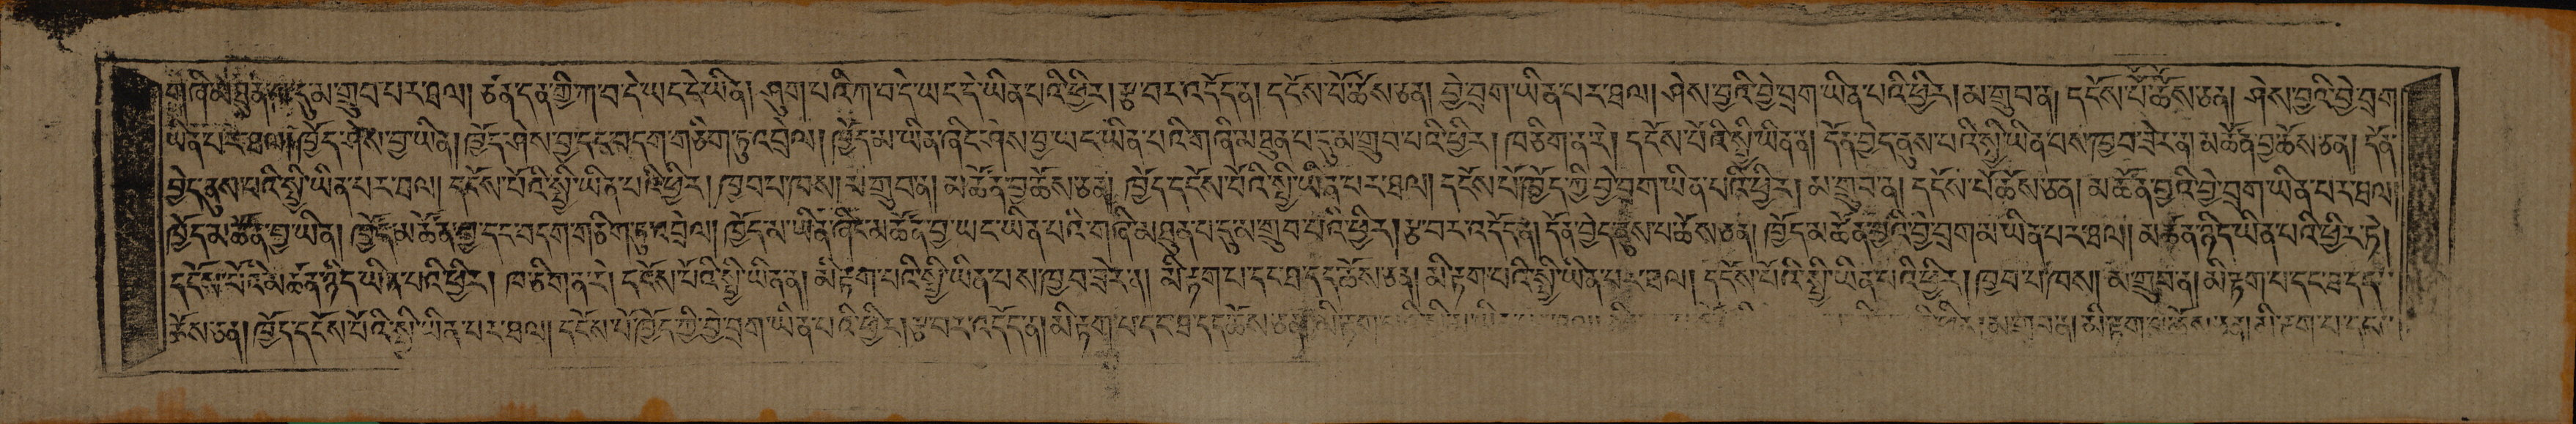གཞི་མཐུན་པ་དུ་མ་གྲུབ་པར་ཐལ། ཙན་དན་གྱི་ཀ་བ་དེ་ཡང་དེ་ཡིན། ཤུག་པའི་ཀ་བ་དེ་ཡང་དེ་ཡིན་པའི་ཕྱིར། རྩ་བར་འདོད་ན། དངོས་པོ་ཆོས་ཅན། བྱེ་བྲག་ཡིན་པར་ཐལ། ཤེས་བྱའི་བྱེ་བྲག་ཡིན་པའི་ཕྱིར། མ་གྲུབ་ན། དངོས་པོ་ཆོས་ཅན། ཤེས་བྱའི་བྱེ་བྲག་
ཡིན་པར་ཐལ། ཁྱོད་ཤེས་བྱ་ཡིན། ཁྱོད་ཤེས་བྱ་དང་བདག་གཅིག་ཏུ་འབྲེལ། ཁྱོད་མ་ཡིན་ཞིང་ཤེས་བྱ་ཡང་ཡིན་པའི་གཞི་མཐུན་པ་དུ་མ་གྲུབ་པའི་ཕྱིར། ཁ་ཅིག་ན་རེ། དངོས་པོའི་སྤྱི་ཡིན་ན། དོན་བྱེད་ནུས་པའི་སྤྱི་ཡིན་པས་ཁྱབ་ཟེར་ན། མཚོན་བྱ་ཆོས་ཅན། དོན་
བྱེད་ནུས་པའི་སྤྱི་ཡིན་པར་ཐལ། དངོས་པོའི་སྤྱི་ཡིན་པའི་ཕྱིར། ཁྱབ་པ་ཁས། མ་གྲུབ་ན། མཚོན་བྱ་ཆོས་ཅན། ཁྱོད་དངོས་པོའི་སྤྱི་ཡིན་པར་ཐལ། དངོས་པོ་ཁྱོད་ཀྱི་བྱེ་བྲག་ཡིན་པའི་ཕྱིར། མ་གྲུབ་ན། དངོས་པོ་ཆོས་ཅན། མཚོན་བྱའི་བྱེ་བྲག་ཡིན་པར་ཐལ།
ཁྱོད་མཚོན་བྱ་ཡིན། ཁྱོད་མཚོན་བྱ་དང་བདག་གཅིག་ཏུ་འབྲེལ། ཁྱོད་མ་ཡིན་ཞིང་མཚོན་བྱ་ཡང་ཡིན་པའི་གཞི་མཐུན་པ་དུ་མ་གྲུབ་པའི་ཕྱིར། རྩ་བར་འདོད་ན། དོན་བྱེད་ནུས་པ་ཆོས་ཅན། ཁྱོད་མཚོན་བྱའི་བྱེ་བྲག་མ་ཡིན་པར་ཐལ། མཚན་ཉིད་ཡིན་པའི་ཕྱིར་ཏེ།
དངོས་པོའི་མཚན་ཉིད་ཡིན་པའི་ཕྱིར། ཁ་ཅིག་ན་རེ། དངོས་པོའི་སྤྱི་ཡིན་ན། མི་རྟག་པའི་སྤྱི་ཡིན་པས་ཁྱབ་ཟེར་ན། མི་རྟག་པ་དང་ཐ་དད་ཆོས་ཅན། མི་རྟག་པའི་སྤྱི་ཡིན་པར་ཐལ། དངོས་པོའི་སྤྱི་ཡིན་པའི་ཕྱིར། ཁྱབ་པ་ཁས། མ་གྲུབ་ན། མི་རྟག་པ་དང་ཐ་དད་
ཆོས་ཅན། ཁྱོད་དངོས་པོའི་སྤྱི་ཡིན་པར་ཐལ། དངོས་པོ་ཁྱོད་ཀྱི་བྱེ་བྲག་ཡིན་པའི་ཕྱིར། རྩ་བར་འདོད་ན། མི་རྟག་པ་དང་ཐ་དད་ཆོས་ཅན། མི་རྟག་པའི་སྤྱི་མ་ཡིན་པར་ཐལ། མི་རྟག་པ་ཁྱོད་ཀྱི་བྱེ་བྲག་མ་ཡིན་པའི་ཕྱིར། མ་གྲུབ་ན། མི་རྟག་པ་ཆོས་ཅན། མི་རྟག་པ་དང་